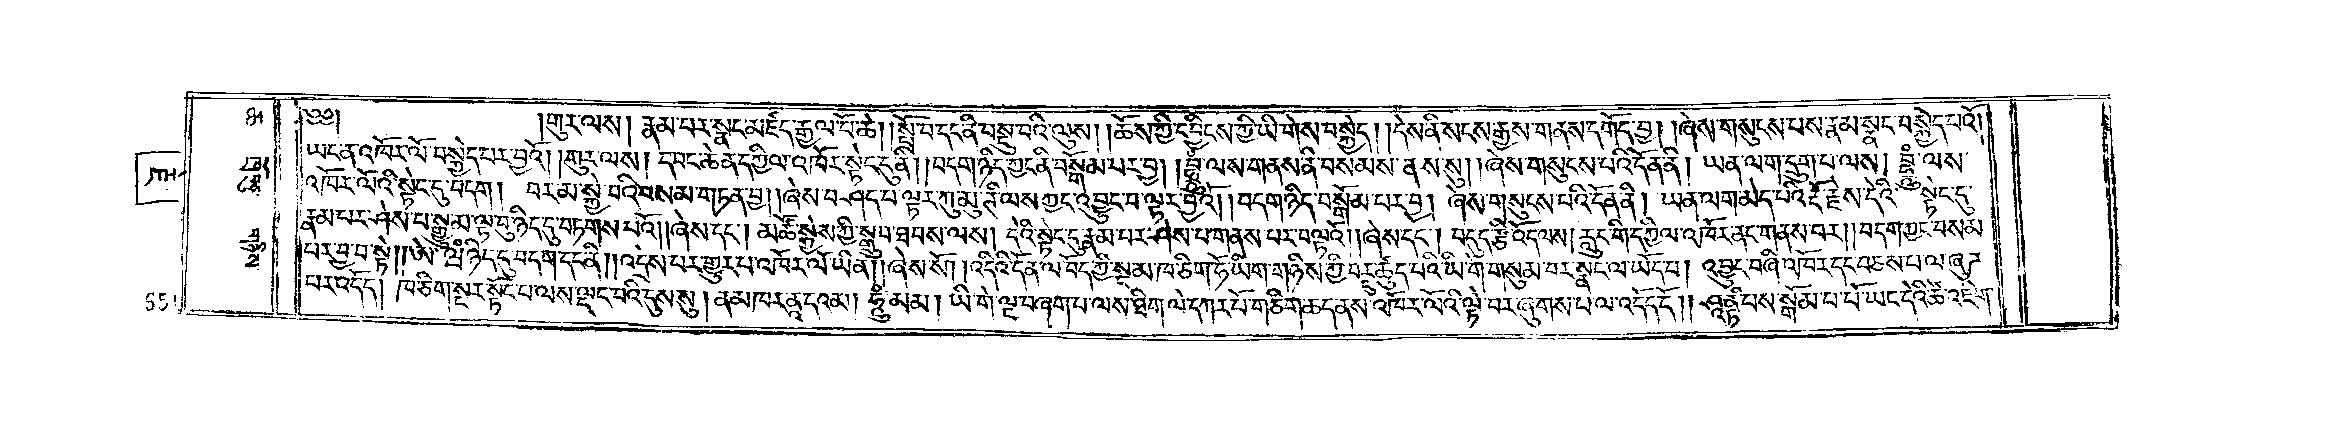༄༅། །གུར་ལས། རྣམ་པར་སྣང་མཛད་རྒྱལ་པོ་ཆེ། །སྤྲོ་བ་དང་ནི་བསྡུ་བའི་ལུས། །ཆོས་ཀྱི་དབྱིངས་ཀྱི་ཡི་གེས་བསྐྱེད། །དེས་ནི་སངས་རྒྱས་གནས་དགོད་བྱ། །ཞེས་གསུངས་པས་རྣམ་སྣང་བསྐྱེད་པའི།
ཡང་ན་འཁོར་ལོ་བསྐྱེད་པར་བྱའོ། །གུར་ལས། དབང་ཆེན་དཀྱིལ་འཁོར་སྟེང་དུ་ནི། །བདག་ཉིད་ཀྱང་ནི་བསྒོམ་པར་བྱ། །བྷྲཱུཾ་ལས་གནས་ནི་བསམས་ནས་སུ། །ཞེས་གསུངས་པའི་དོན་ནི། ཡན་ལག་དྲུག་པ་ལས། བྷྲཱུཾ་ལས་
འཁོར་ལོའི་སྟེང་དུ་བདག །བར་མ་སྐྱེ་བའི་བསམ་གཏན་བྱ། །ཞེས་བཤད་པ་ལྟར་ཀུ་མུ་ཊི་ལས་ཀྱང་འབྱུང་བ་ལྟར་བྱའོ། །བདག་ཉིད་བསྒོམ་པར་བྱ། ཞེས་གསུངས་པའི་དོན་ནི། ཡན་ལག་མེད་པའི་རྡོ་རྗེས་དེའི་སྟེང་དུ་
རྣམ་པར་ཤེས་པ་སྒྱུ་མ་ལྟ་བུ་ཉིད་དུ་བཏགས་པའོ། །ཞེས་དང་། མཚོ་སྐྱེས་ཀྱི་སྒྲུབ་ཐབས་ལས། དེའི་སྟེང་དུ་རྣམ་པར་ཤེས་པ་གནས་པར་བལྟའོ། །ཞེས་དང་། བདུད་རྩི་འོད་ལས། རླུང་གི་དཀྱིལ་འཁོར་ནང་གནས་པར། །བདག་ཀྱང་བསམ་
པར་བྱ་བ་སྟེ། །ཨེ་ཝཾ་ཉིད་དུ་བདག་དང་ནི། །འདྲེས་པར་གྱུར་པ་འཁོར་ལོ་ཡིན། །ཞེས་སོ། །འདིའི་དོན་ལ་བོད་ཀྱི་སྔ་མ་ཁ་ཅིག་ཧོ་ཡིག་གཉིས་ཀྱི་བར་དུ་ཚུད་པའི་ཡི་གེ་གསུམ་བར་སྣང་ལ་ཡོད་པ། འབྱུང་བཞི་འཁོར་དང་བཅས་པ་ལ་ཞུགས་
པར་འདོད། ཁ་ཅིག་སྔར་སྟོང་པ་ལས་ལྡང་བའི་དུས་སུ། ནམ་མཁར་ནཱ་དའམ། ཧཱུཾ་མམ། ཡི་གེ་ལྔ་བཞག་པ་ལས་ཐིག་ལེ་དཀར་པོ་གཅིག་ཆད་ནས་འཁོར་ལོའི་ལྟེ་བར་ཞུགས་པ་ལ་འདོད་དོ། །ཤཱནྟི་པས་སྒོམ་པ་པོ་ཡང་དེའི་ཚེ་འཇིག་